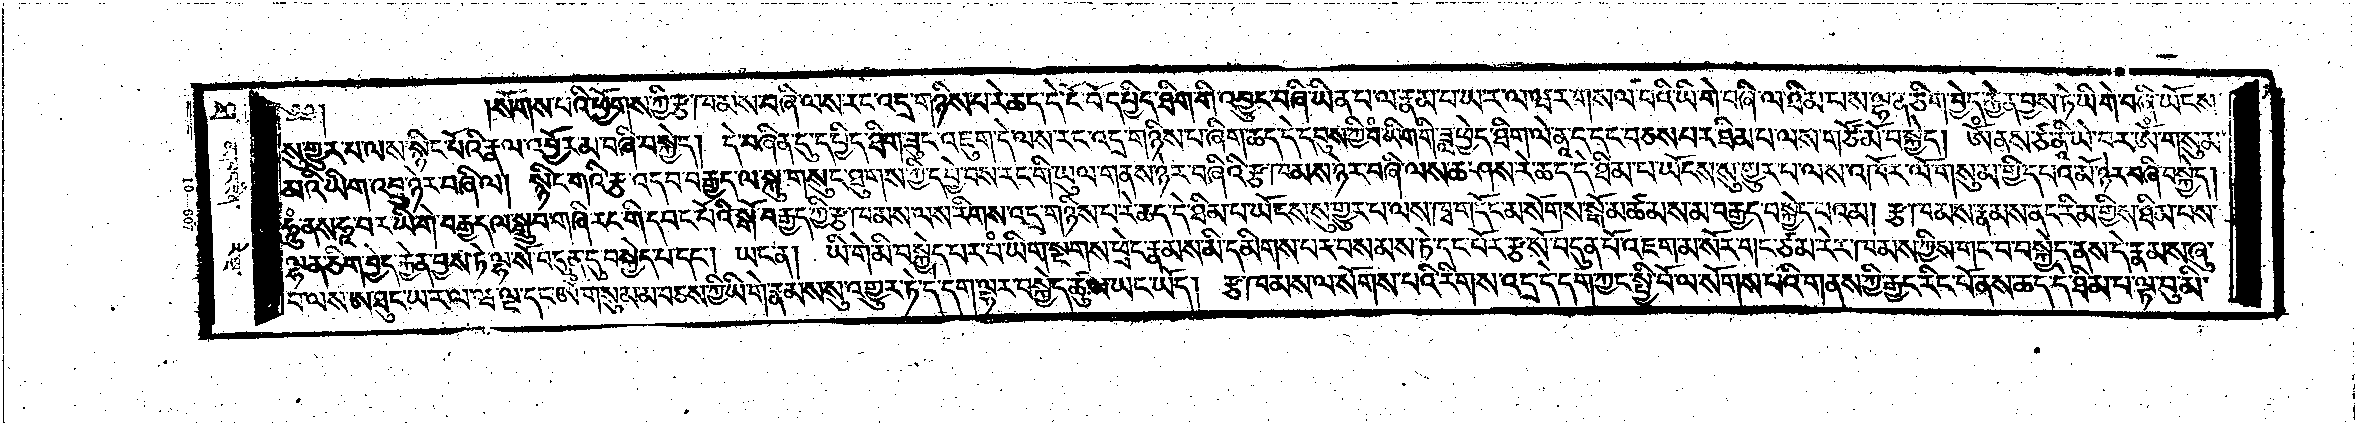༄༅། །སོགས་པའི་ཕྱོགས་ཀྱི་རྩ་ཁམས་བཞི་ལས་རང་འདྲ་གཉིས་པ་རེ་ཆད་དེ་ངོ་བོ་དཔྱིད་ཐིག་གི་འབྱུང་བཞི་ཡིན་པ་ལ་རྣམ་པ་ཡ་ར་ལ་ཝ་ར་གསལ་བའི་ཡི་གེ་བཞི་ལ་ཐིམ་པས་ལྷན་ཅིག་བྱེད་རྐྱེན་བྱས་ཏེ་ཡི་གེ་བཞི་ཡོངས་
སུ་གྱུར་པ་ལས་སྙིང་པོའི་རྣལ་འབྱོར་མ་བཞི་བསྐྱེད། དེ་བཞིན་དུ་དཔྱིད་ཐིག་ཟུང་འཇུག་དེ་ལས་རང་འདྲ་གཉིས་པ་ཞིག་ཆད་དེ་དབུས་ཀྱི་བཾ་ཡིག་གི་ཟླ་ཕྱེད་ཐིག་ལེ་ནཱ་ད་དང་བཅས་པར་ཐིམ་པ་ལས་གཙོ་མོ་བསྐྱེད། ཨོཾ་ནས་ཙ་ནཱི་ཡེ་བར་ཨོཾ་གསུམ་
མའི་ཡིག་འབྲུ་ཉེར་བཞི་ལ། སྙིང་གའི་རྩ་འདབ་བརྒྱད་ལ་སྐུ་གསུང་ཐུགས་ཀྱི་དབྱེ་བས་རང་གི་ཡུལ་གནས་ཉེར་བཞིའི་རྩ་ཁམས་ཉེར་བཞི་ལས་ཆ་ཤས་རེ་ཆད་དེ་ཐིམ་པ་ཡོངས་སུ་གྱུར་པ་ལས་འཁོར་ལོ་གསུམ་གྱི་དཔའ་མོ་ཉེར་བཞི་བསྐྱེད།
ཧཱུཾ་ནས་ཧཱ་བར་ཡི་གེ་བརྒྱད་ལ་སྒྲུབ་གཞི་རང་གི་དབང་པོའི་སྒོ་བརྒྱད་ཀྱི་རྩ་ཁམས་ལས་རིགས་འདྲ་གཉིས་པ་རེ་ཆད་དེ་ཐིམ་པ་ཡོངས་སུ་གྱུར་པ་ལས་ཁྭ་གདོང་མ་སོགས་སྒོ་མཚམས་མ་བརྒྱད་བསྐྱེད་པའམ། རྩ་ཁམས་རྣམས་ནང་རིམ་གྱིས་ཐིམ་པས་
ལྷན་ཅིག་བྱེད་རྐྱེན་བྱས་ཏེ་ལྷ་སོ་བདུན་དུ་བསྐྱེད་པ་དང་། ཡང་ན། ཡི་གེ་མི་བསྐྱེད་པར་བཾ་ཡིག་སྔགས་ཕྲེང་རྣམས་མི་དམིགས་པར་བསམས་ཏེ་དང་པོར་རྩ་སོ་བདུན་པོ་འཇག་མ་སོར་གང་ཙམ་རེར་ཁམས་ཀྱིས་གང་བ་བསྐྱེད་ནས་དེ་རྣམས་ཞུ་
བ་ལས་ཨ་ཐུང་ཡ་ར་ལ་ཝ་ལྔ་དང་ཨོཾ་གསུམ་མ་བཅས་ཀྱི་ཡི་གེ་རྣམས་སུ་འགྱུར་ཏེ་དེ་དག་ལྷར་བསྐྱེད་ཚུལ་ཡང་ཡོད། རྩ་ཁམས་ལ་སོགས་པའི་རིགས་འདྲ་དེ་དག་ཀྱང་སྤྱི་བོ་ལ་སོགས་པའི་གནས་ཀྱི་རྒྱང་རིང་པོ་ནས་ཆད་དེ་ཐིམ་པ་ལྟ་བུ་མི་